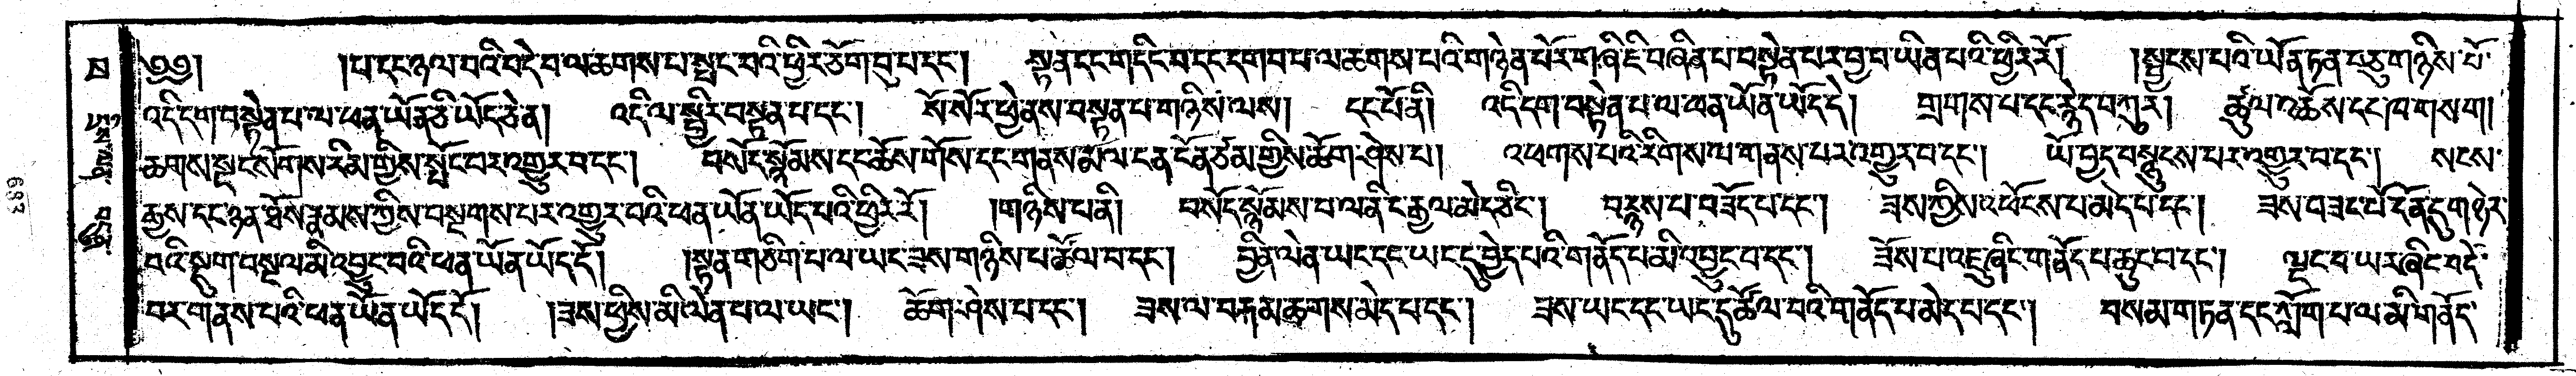༄༅། །པ་དང་ཉལ་བའི་བདེ་བ་ལ་ཆགས་པ་སྤང་བའི་ཕྱིར་ཅོག་བུ་པ་དང་། སྟན་དང་གདིང་བ་དང་དགབ་པ་ལ་ཆགས་པའི་གཉེན་པོར་གཞི་ཇི་བཞིན་པ་བསྟེན་པར་བྱ་བ་ཡིན་པའི་ཕྱིར་རོ། །སྦྱངས་པའི་ཡོན་ཏན་བཅུ་གཉིས་པོ་
འདི་དག་བསྟེན་པ་ལ་ཕན་ཡོན་ཅི་ཡོད་ཅེ་ན། འདི་ལ་སྦྱིར་བསྟན་པ་དང་། སོ་སོར་ཕྱེ་ནས་བསྟན་པ་གཉིས་ལས། དང་པོ་ནི། འདི་དག་བསྟེན་པ་ལ་ཕན་ཡོན་ཡོད་དེ། གྲགས་པ་དང་རྙེད་བཀུར། ཚུལ་འཆོས་དང་ཁ་གསག།
ཆགས་སྡང་སོགས་རིམ་གྱིས་སྤོང་བར་འགྱུར་བ་དང་། བསོད་སྙོམས་དང་ཆོས་གོས་དང་གནས་མལ་ངན་ངོན་ཙམ་གྱིས་ཆོག་ཤེས་པ། འཕགས་པའི་རིགས་ལ་གནས་པར་འགྱུར་བ་དང་། ཡོ་བྱད་བསྙུངས་པར་འགྱུར་བ་དང་། སངས་
རྒྱས་དང་ཉན་ཐོས་རྣམས་ཀྱིས་བསྔགས་པར་འགྱུར་བའི་ཕན་ཡོན་ཡོད་པའི་ཕྱིར་རོ། །གཉིས་པ་ནི། བསོད་སྙོམས་པ་ལ་ནི་ང་རྒྱལ་མེད་ཅིང་། བརྙས་པ་བཟོད་པ་དང་། ཟས་ཀྱིས་འཕོངས་པ་མེད་པ་དང་། ཟས་བཟང་པོ་དོན་དུ་གཉེར་
བའི་སྡུག་བསྔལ་མི་འབྱུང་བའི་ཕན་ཡོན་ཡོད་དོ། །སྟན་གཅིག་པ་ལ་ཡང་ཟས་གཉིས་པ་ཚོལ་བ་དང་། བྱིན་ལེན་ཡང་དང་ཡང་དུ་བྱེད་པའི་གནོད་པ་མི་འབྱུང་བ་དང་། ཟོས་པ་འཇུ་ཞིང་གནོད་པ་ཆུང་བ་དང་། ལྡང་བ་ཡར་ཞིང་བདོ་
བར་གནས་པའི་ཕན་ཡོན་ཡོད་དོ། །ཟས་ཕྱིས་མི་ལེན་པ་ལ་ཡང་། ཆོག་ཤེས་པ་དང་། ཟས་ལ་བརྐམ་ཆགས་མེད་པ་དང་། ཟས་ཡང་དང་ཡང་དུ་ཚོལ་བའི་གནོད་པ་མེད་པ་དང་། བསམ་གཏན་དང་ཀློག་པ་ལ་མི་གནོད་